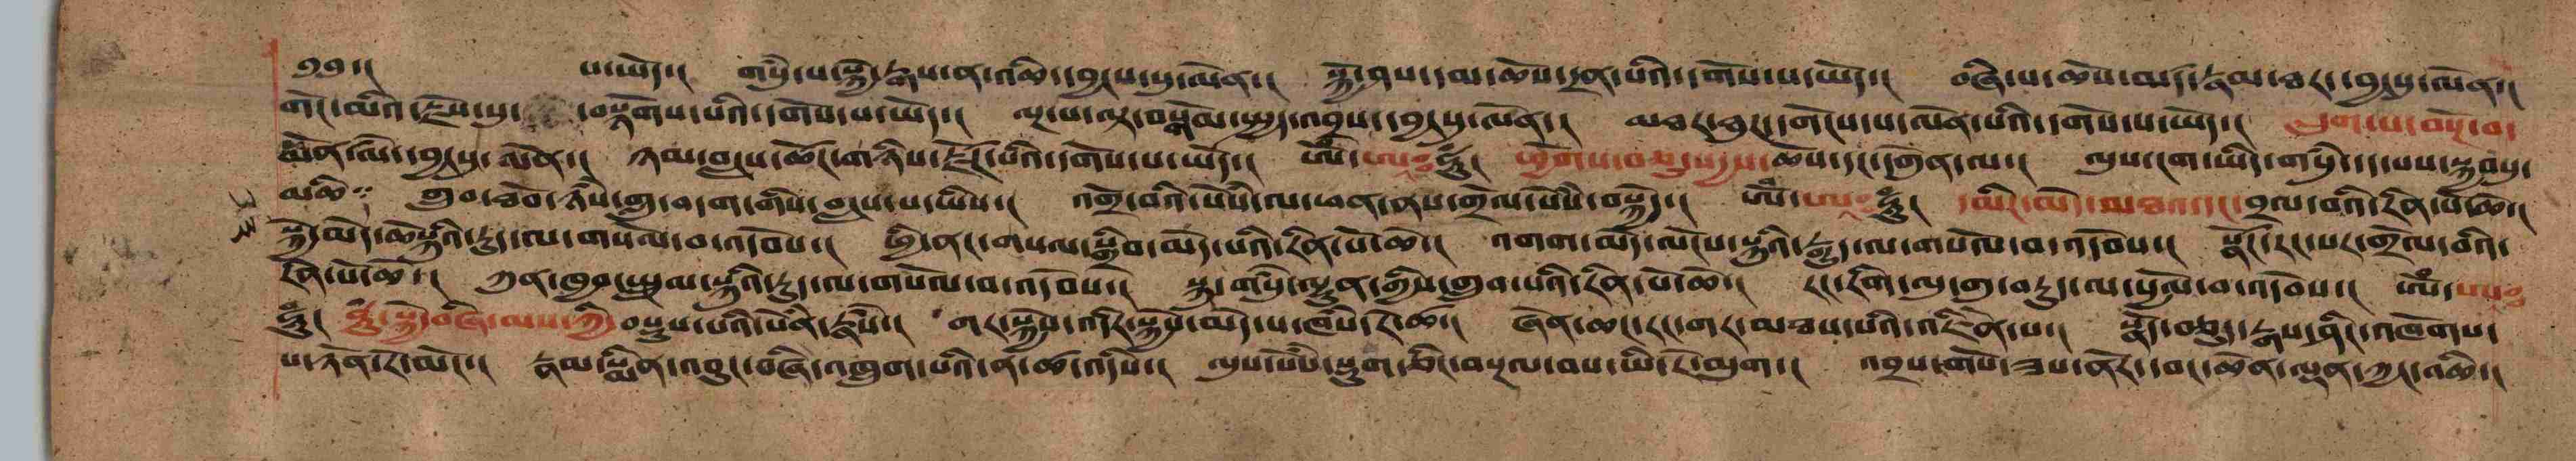པ་ཡོད། གསུམ་པ་སྐྱེ་རྒ་ན་འཆི་དབྱངས་སུ་ལེན། སྐྱོ་ཤས་དམ་ཆོས་དྲན་པའི་དགོས་པ་ཡོད། བཞི་པ་ཆོས་མཛད་རྣམ་ཐར་དབྱང་སུ་ལེན། 
གོང་མའི་རྗེས་སུ་བསྙོགས་པའི་དགོས་པ་ཡོད། ལྔ་པ་ལྟ་སྒོམ་སྤྱད་འབྲས་དབྱངས་སུ་ལེན། མཐར་ཐུག་དགོངས་པ་ལོན་པའི་དགོས་པ་ཡོད། དྲུག་པ་བསྔོ་བ་
སྨོན་ལམ་དབྱངས་སུ་ལེན། ཉམ་བླངས་ཚོགས་གཉིས་རྫོགས་པའི་དགོས་པ་ཡོད། ཨོཾ་ཨཱཿཧཱུཾ། ཕྱོགས་བཅུ་སངས་རྒྱས་ཆོས་དང་དགེ་འདུན་ལ། ལུས་ངག་ཡིད་གསུམ་དད་པས་སྐྱབས་སུ་
མཆི། གྲུབ་ཐོབ་ཉམས་གླུ་བདག་གིས་བླངས་པ་ཡིས། འགྲོ་བའི་སེམས་ལ་ཕན་ནས་གྲོལ་སེམས་བསྐྱེད། ཨོཾ་ཨཱཿཧཱུཾ། དམིགས་མེད་མཐའ་དང་བྲལ་བའི་རིན་པོ་ཆེ། 
སྐྱེ་མེད་ཆོས་སྐུའི་རྒྱུད་ལ་གསོལ་བ་འདེབས། ཕྱི་ནང་གསལ་སྒྲིབ་མེད་པའི་རིན་པོ་ཆེ། འགག་མེད་ལོངས་སྐུའི་རྒྱུད་ལ་གསོལ་བ་འདེབས། སྣ་ཚོགས་རང་སར་གྲོལ་བའི་
རིན་པོ་ཆེ། ཀུན་ཁྱབ་སྤྲུལ་སྐུའི་རྒྱུད་ལ་གསོལ་བ་འདེབས། སྐུ་གསུམ་ལྷུན་གྱིས་གྲུབ་པའི་རིན་པོ་ཆེ། རང་རིག་ལུ་གུ་རྒྱུད་ལ་གསོལ་བ་འདེབས། ཨོཾ་ཨཱཱཿ
ཧཱུཾ། སྐྱེ་བཞི་ལས་ཀྱི་བསྡུས་པའི་སམེས་ཅན་རྣམས།། གར་སྐྱེས་འདིར་སྐྱེས་མེད་པ་ཁམས་རེ་ཚ།། ཞེན་ཆགས་རང་གར་མཐས་པའི་འཇིག་རྟེན་པ།། སྣོད་བཅུད་རྒས་ཤིང་འཁོགས་
པ་ཉོན་རེ་མོངས།། རྣམ་སྨིན་འབྱུང་བཞི་འཁྲུག་པའི་ན་ཚ་འདིས།། ལུས་སེམས་སྡུག་ཅིང་བསྔལ་བས་ཡི་རེ་མུག། འབྲས་གོས་ཟས་ནོར་དབང་ཆེན་ལྡན་ཀྱང་འཆི།།